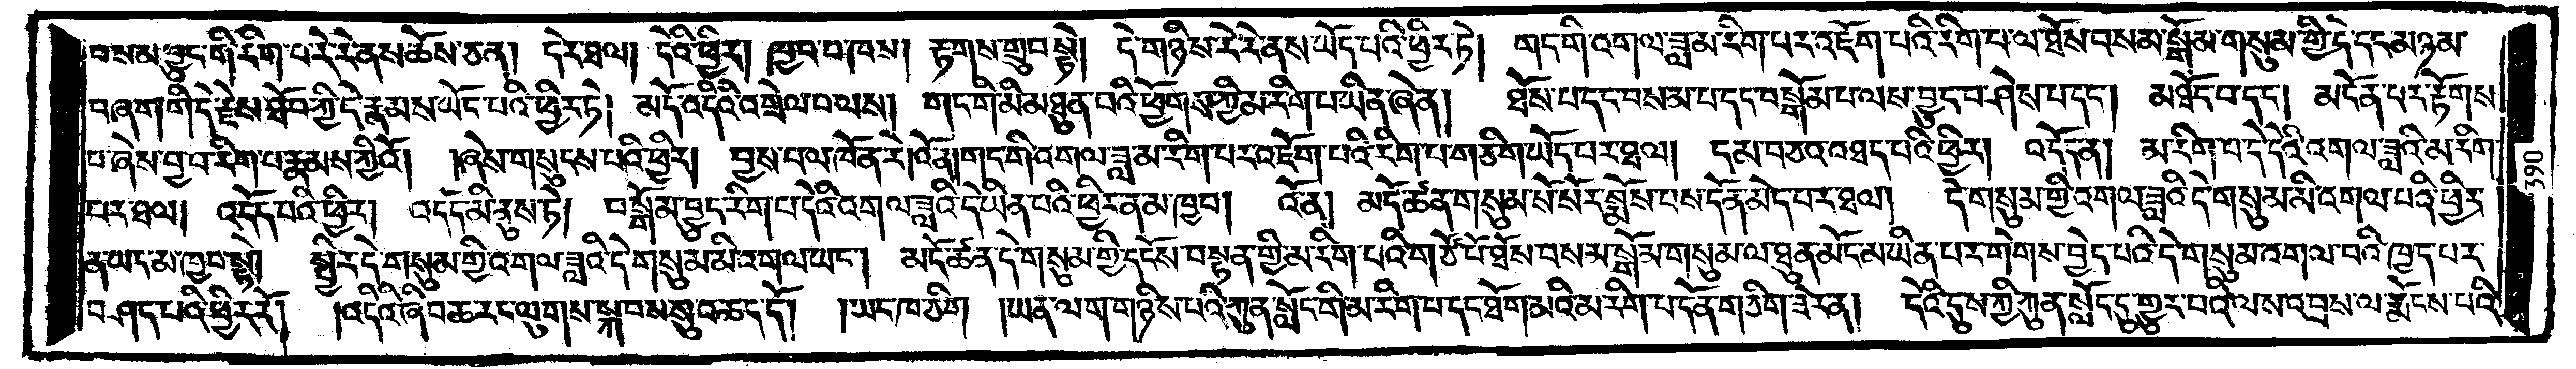བསམ་བྱུང་གི་རིག་པ་རེ་རེ་ནས་ཆོས་ཅན། དེར་ཐལ། དེའི་ཕྱིར། ཁྱབ་པ་ཁས། རྟགས་གྲུབ་སྟེ། དེ་གཉིས་རེ་རེ་ནས་ཡོད་པའི་ཕྱིར་ཏེ། གང་གི་འགལ་ཟླ་མ་རིག་པར་འཇོག་པའི་རིག་པ་ལ་ཐོས་བསམ་སྒོམ་གསུམ་གྱི་དེ་དང་མཉམ་
བཞག་གི་དེ་རྗེས་ཐོབ་ཀྱི་དེ་རྣམས་ཡོང་པའི་ཕྱིར་ཏེ། མདོ་འདིའི་འགྲེལ་བ་ལས། གང་གི་མི་མཐུན་པའི་ཕྱོགས་ཀྱི་མ་རིག་པ་ཡིན་ཞེ་ན། ཐོས་པ་དང་བསམ་པ་དང་བསྒོམ་པ་ལས་བྱུང་བ་ཤེས་པ་དང་། མཐོང་བ་དང་། མངོན་པར་རྟོགས་
པ་ཞེས་བྱ་བ་རིག་པ་རྣམས་ཀྱིའོ། །ཞེས་གསུངས་པའི་ཕྱིར། བྱས་པ་ལ་ཁོ་ན་རེ། འོ་ན། གང་གི་འགལ་ཟླ་མ་རིག་པར་འཇོག་པའི་རིག་པ་གཅིག་ཡོད་པར་ཐལ། དམ་བཅའ་འཐད་པའི་ཕྱིར། འདོད་ན། མ་རིག་པ་དེ་དེའི་འགལ་ཟླའི་མ་རིག་
པར་ཐལ། འདོད་པའི་ཕྱིར། འདོད་མི་ནུས་ཏེ། བསྒོམ་བྱུང་རིག་པ་དེའི་འགལ་ཟླའི་དེ་ཡིན་པའི་ཕྱིར་ན་མ་ཁྱབ། འོ་ན། མདོ་ཚན་གསུམ་སོ་སོར་སྨོས་པས་དོན་མེད་པར་ཐལ། དེ་གསུམ་གྱི་འགལ་ཟླའི་དེ་གསུམ་མི་འགལ་བའི་ཕྱིར་
ན་ཡང་མ་ཁྱབ་སྟེ། སྤྱིར་དེ་གསུམ་གྱི་འགལ་ཟླའི་དེ་གསུམ་མི་འགལ་ཡང་། མདོ་ཚན་དེ་གསུམ་གྱི་དངོས་བསྟན་གྱི་མ་རིག་པའི་གཙོ་བོ་ཐོས་བསམ་སྒོམ་གསུམ་ལ་ཐུན་མོང་མ་ཡིན་པར་གེགས་བྱེད་པའི་དེ་གསུམ་འགལ་བའི་ཁྱད་པར་
བཤད་པའི་ཕྱིར་རོ། །འདིའི་ཞི་བ་ཆ་རང་ལུགས་སྐབས་སུ་འཆད་དོ། །ཡང་ཁ་ཅིག །ཡན་ལག་གཉིས་པའི་ཀུན་སློང་གི་མ་རིག་པ་དང་ཐོག་མའི་མ་རིག་པ་དོན་གཅིག་ཟེར་ན། དེའི་དུས་ཀྱི་ཀུན་སློང་དུ་གྱུར་པའི་ལས་འབྲས་ལ་རྨོངས་པའི་